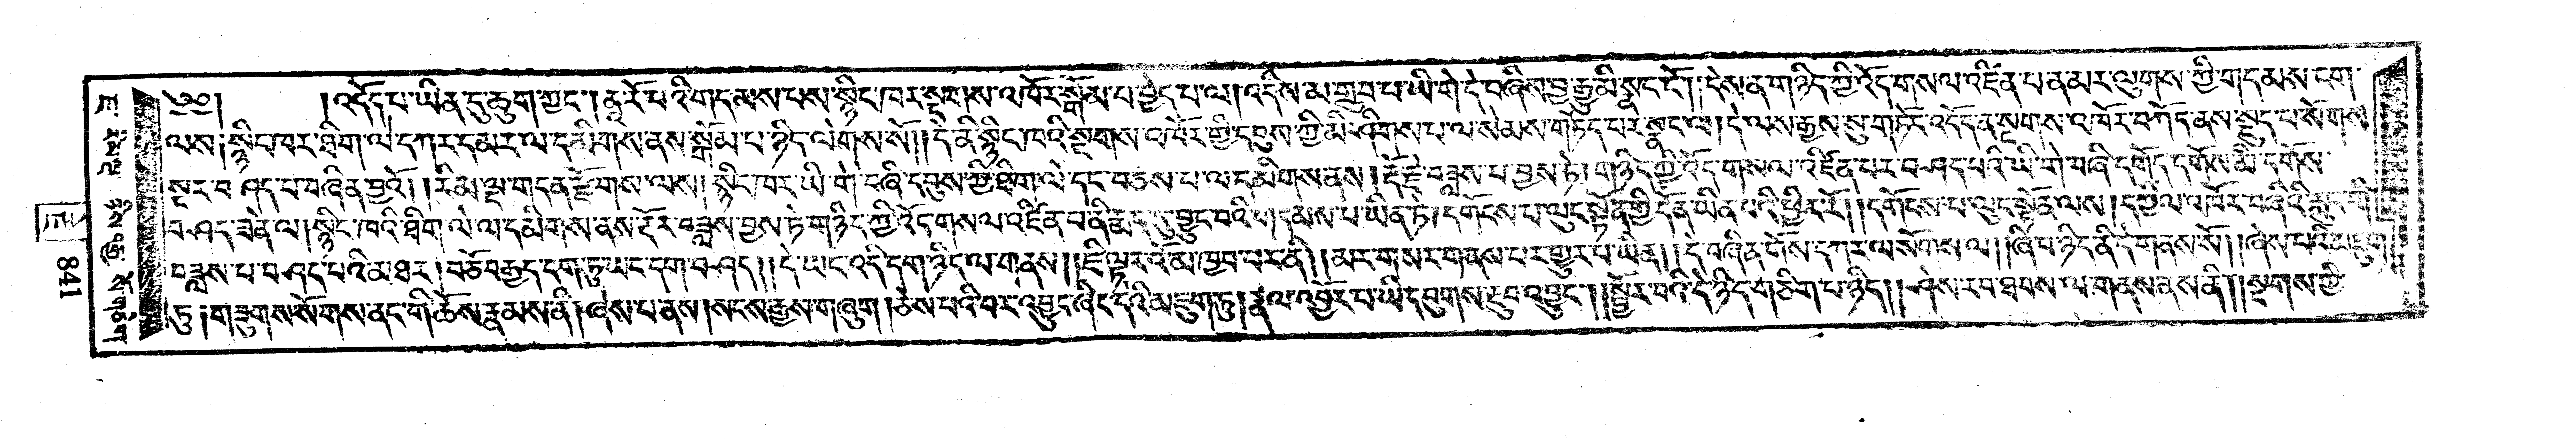༄༅། །འདོད་པ་ཡིན་དུ་ཆུག་ཀྱང་། ནཱ་རོ་པའི་གདམས་པས་སྙིང་ཁར་སྔགས་འཁོར་སྒོམ་པ་བྱེད་པ་ལ། འདིས་མ་གྲུབ་པ་ཡི་གེ་དེ་བཞིས་བྱ་རྒྱུ་མི་སྣང་ངོ། །དེས་ན་གཉིད་ཀྱི་འོད་གསལ་འཛིན་པ་ན་མར་ལུགས་ཀྱི་གདམས་ངག་
ལས། སྙིང་ཁར་ཐིག་ལེ་དཀར་དམར་ལ་དམིགས་ནས་སྒོམ་པ་ཉིད་ལེགས་སོ། །དེ་ནི་སྙིང་ཁའི་སྔགས་འཁོར་གྱི་དབུས་ཀྱི་མི་ཤིགས་པ་ལ་སེམས་གཏོད་པར་སྣང་ལ། དེ་ལས་རྒྱས་སུ་གཏོང་འདོད་ན་སྔགས་འཁོར་བཀོད་ནས་སྡུད་པ་སོགས་
སྔར་བཤད་པ་བཞིན་བྱའོ། །རིམ་ལྔ་གདན་རྫོགས་ལས། སྙིང་ཁར་ཡི་གེ་བཞི་དབུས་ཀྱི་ཐིག་ལེ་དང་བཅས་པ་ལ་དམིགས་ནས། རྡོ་རྗེ་བཟླས་པ་བྱས་ཏེ། གཉིད་ཀྱི་འོད་གསལ་འཛིན་པར་བཤད་པའི་ཡི་གེ་བཞི་དགོད་དགོས་མི་དགོས་
བཤད་ཟིན་ལ། སྙིང་ཁའི་ཐིག་ལེ་ལ་དམིགས་ནས་རྡོར་བཟླས་བྱས་ཏེ་གཉིད་ཀྱི་འོད་གསལ་འཛིན་པ་ནི་རྨད་དུ་བྱུང་བའི་གདམས་པ་ཡིན་ཏེ། དགོངས་པ་ལུང་སྟོན་གྱི་དོན་ཡིན་པའི་ཕྱིར་རོ། །དགོངས་པ་ལུང་སྟོན་ལས། དཀྱིལ་འཁོར་བཞིའི་རླུང་གི་
བཟླས་པ་བཤད་པའི་མཐར། བཅོ་བརྒྱད་དག་ཏུ་ཡང་དག་བཤད། །དེ་ཡང་འདི་དག་ཉིད་ལ་གནས། །ཇི་ལྟར་འོ་མ་ཁྱབ་པར་ནི། །མར་གསར་གནས་པར་གྱུར་པ་ཡིན། །དེ་བཞིན་གོས་དཀར་ལ་སོགས་ལ། །ཞི་བ་ཉིད་ནི་དེ་གནས་སོ། །ཞེས་པའི་མཇུག་
ཏུ། གཟུགས་སོགས་ནང་གི་ཆོས་རྣམས་ནི། ཞེས་པ་ནས། སངས་རྒྱས་གཞུག །ཅེས་པའི་བར་འབྱུང་ཞིང་དེའི་མཇུག་ཏུ། རྣལ་འབྱོར་པ་ཡི་དབུགས་རྔུབ་འབྱུང་། །སྦྱོར་བའི་དེ་ཉིད་གཅིག་པ་ཉིད། །ཤེས་རབ་ཐབས་ལ་གནས་ནས་ནི། །སྔགས་ཀྱི་